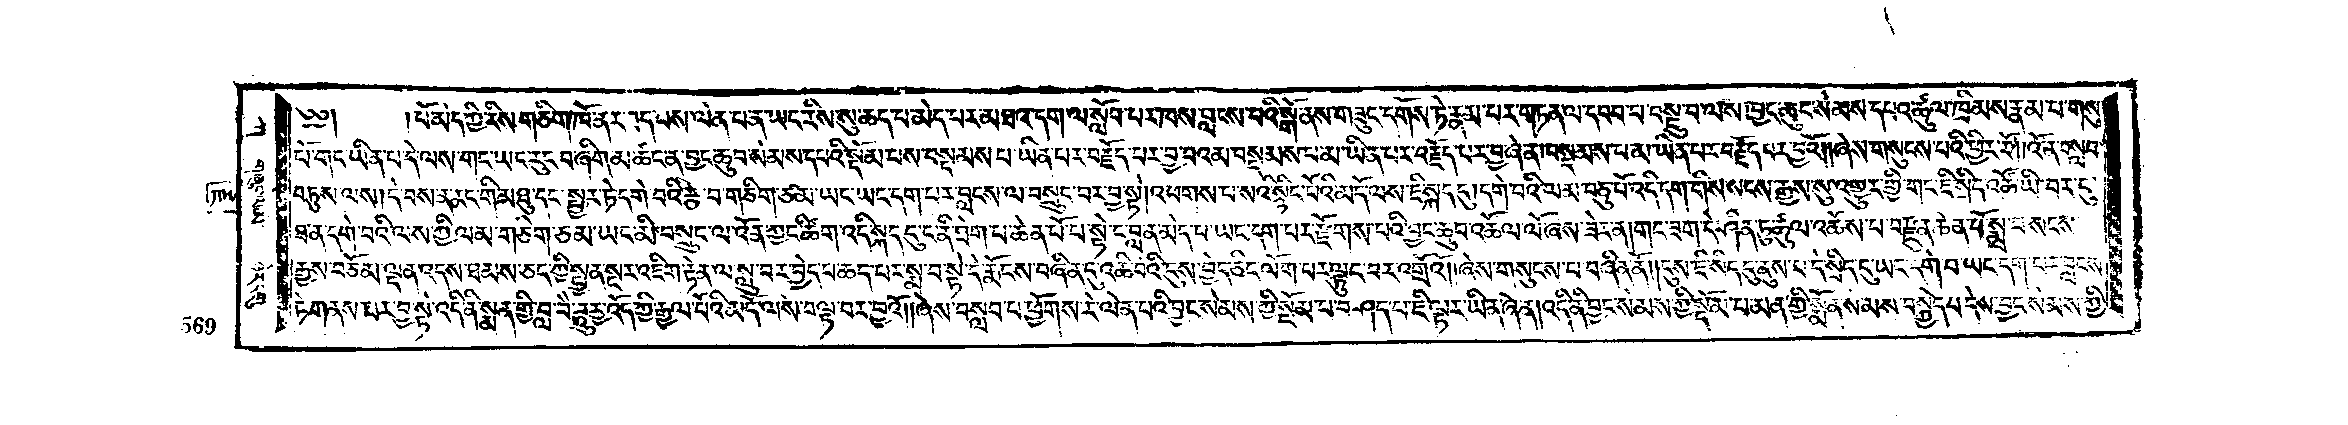༄༅། །པོ་མེད་ཀྱི་རིས་གཅིག་ཁོ་ནར་ཐད་པས་ལེན་པ་ན་ཡང་རིས་སུ་ཆད་པ་མེད་པར་མཐའ་དག་ལ་སློབ་པར་ཁས་བླངས་པའི་སྒོ་ནས་གཟུང་དགོས་ཏེ་རྣམ་པར་གཏན་ལ་དབབ་པ་བསྡུ་བ་ལས། བྱང་ཆུབ་སེམས་དཔའ་ཚུལ་ཁྲིམས་རྣམ་པ་གསུམ་
པོ་གང་ཡིན་པ་དེ་ལས་གང་ཡང་རུང་བ་ཞིག་མ་ཚང་ན་བྱང་ཆུབ་སེམས་དཔའི་སྡོམ་པས་བསྡམས་པ་ཡིན་པར་བརྗོད་པར་བྱ་བྱ་འམ་བསྡམས་པ་མ་ཡིན་པར་བརྗོད་པར་བྱ་ཞེ་ན། བསྡམས་པ་མ་ཡིན་པར་བརྗོད་པར་བྱའོ། །ཞེས་གསུངས་པའི་ཕྱིར་རོ། །འོ་ན་བསླབ་
བཏུས་ལས། དེ་བས་ན་ནང་གི་མཐུ་དང་སྦྱར་ཏེ་དགེ་བའི་རྩ་བ་གཅིག་ཙམ་ཡང་དག་པར་བླངས་ལ་བསྲུང་བར་བྱ་སྟེ། འཕགས་པ་སའི་སྙིང་པོའི་མདོ་ལས་ཇི་སྐད་དུ། དགེ་བའི་ལམ་བཅུ་པོ་འདི་དག་གིས་སངས་རྒྱས་སུ་འགྱུར་གྱི་གང་ཇི་སྲིད་འཚོ་ཡི་བར་དུ་
ཐ་ན་དགེ་བའི་ལས་ཀྱི་ལམ་གཅིག་ཙམ་ཡང་མི་བསྲུང་ལ་འོན་ཀྱང་ཚིག་འདི་སྐད་དུ་ང་ནི་ཐེག་པ་ཆེན་པོ་པ་སྟེ་ང་བླ་ན་མེད་པ་ཡང་དག་པར་རྫོགས་པའི་བྱང་ཆུབ་འཚོལ་ལོ་ཞས་ཟེར་ན། གང་ཟག་དེ་ཤིན་ཏུ་ཚུལ་འཆོས་པ་བརྫུན་ཆེན་པོ་སྨྲ་བ་སངས་
རྒྱས་བཅོམ་ལྡན་འདས་ཐམས་ཅད་ཀྱི་སྤྱན་སྔར་འཇིག་རྟེན་ལ་སླུ་བར་བྱེད་པ་ཆད་པར་སྨྲ་བ་སྟེ་དེ་རྨོངས་བཞིན་དུ་འཆི་བའི་དུས་བྱེད་ཅིང་ལོག་པར་ལྟུང་བར་འགྲོའོ། །ཞེས་གསུངས་པ་བཞིན་ནོ། །དུས་ཇི་སྲིད་དུ་ནུས་པ་དེ་སྲིད་དུ་ཡང་དགེ་བ་ཡང་དག་པར་བླངས་
ཏེ་གནས་པར་བྱ་སྟེ་འདི་ནི་སྨན་གྱི་བླ་བཻ་ཌཱུརྱ་འོད་ཀྱི་རྒྱལ་པོའི་མདོ་ལས་བལྟ་བར་བྱའོ། །ཞེས་བསླབ་པ་ཕྱོགས་རེ་ལེན་པའི་བྱང་སེམས་ཀྱི་སྡོམ་པ་བཤད་པ་ཇི་ལྟར་ཡིན་ཞེ་ན། འདི་ནི་བྱང་སེམས་ཀྱི་སྡོམ་པ་མན་གྱི་སྨོན་སེམས་བསྐྱེད་པ་དེས་བྱང་སེམས་ཀྱི་